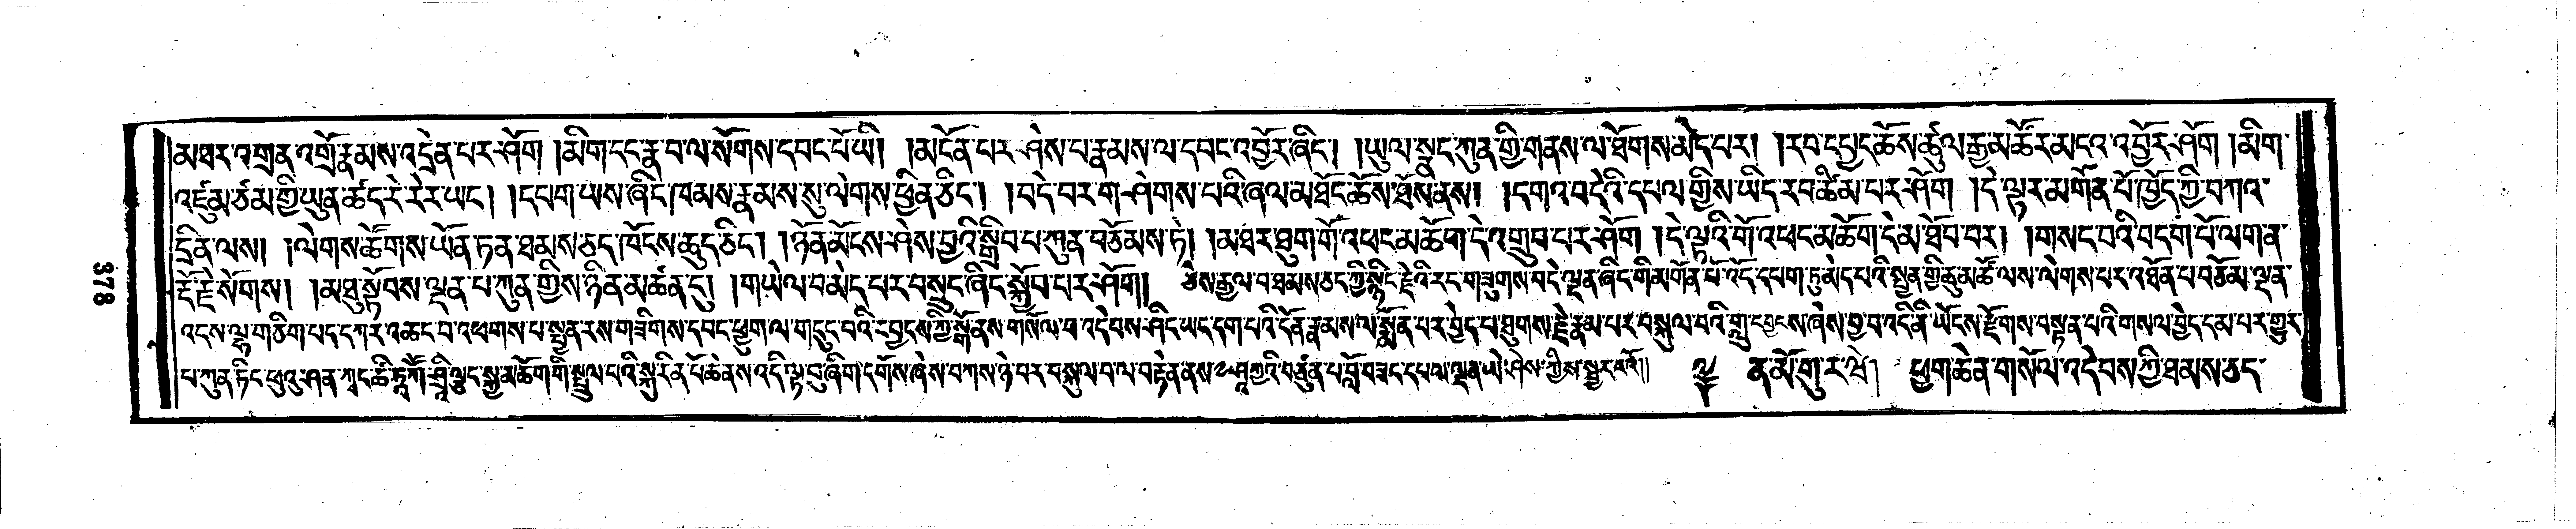མཐར་འགྲན་འགྲོ་རྣམས་འདྲེན་པར་ཤོག །མིག་དང་རྣ་བ་ལ་སོགས་དབང་པོ་ཡི། །མངོན་པར་ཤེས་པ་རྣམས་ལ་དབང་འབྱོར་ཞིང་། །ཡུལ་སྣང་ཀུན་གྱི་གནས་ལ་ཐོགས་མེད་པར། །རབ་དཔྱད་ཆོས་ཚུལ་རྒྱ་མཚོར་མངའ་འབྱོར་ཤོག །མིག་
འཛུམ་ཙམ་གྱི་ཡུན་ཚད་རེ་རེར་ཡང་། །དཔག་ཡས་ཞིང་ཁམས་རྣམས་སུ་ལེགས་ཕྱིན་ཅིང་། །བདེ་བར་གཤེགས་པའི་ཞལ་མཐོང་ཆོས་ཐོས་ནས། །དགའ་བདེའི་དཔལ་གྱིས་ཡིད་རབ་ཚིམ་པར་ཤོག །དེ་ལྟར་མགོན་པོ་ཁྱོད་ཀྱི་བཀའ་
དྲིན་ལས། །ལེགས་ཚོགས་ཡོན་ཏན་ཐམས་ཅད་ཁོངས་ཆུད་ཅིང་། །ཉོན་མོངས་ཤེས་བྱའི་སྒྲིབ་པ་ཀུན་བཅོམས་ཏེ། །མཐར་ཐུག་གོ་འཕང་མཆོག་དེ་འགྲུབ་པར་ཤོག །དེ་ལྟའི་གོ་འཕང་མཆོག་དེ་མ་ཐོབ་བར། །གསང་བའི་བདག་པོ་ལག་ན་
རྡོ་རྗེ་སོགས། །མཐུ་སྟོབས་ལྡན་པ་ཀུན་གྱིས་ཉིན་མཚན་དུ། །གཡེལ་བ་མེད་པར་བསྲུང་ཞིང་སྐྱོབ་པར་ཤོག། ཅེས་རྒྱལ་བ་ཐམས་ཅད་ཀྱི་སྙིང་རྗེའི་རང་གཟུགས་བདེ་ལྡན་ཞིང་གི་མགོན་པོ་འོད་དཔག་ཏུ་མེད་པའི་སྤྱན་གྱི་ཆུ་མཚོ་ལས་ལེགས་པར་འཐོན་པ་བཅོམ་ལྡན་
འདས་ལྷ་གཅིག་པད་དཀར་འཆང་བ་འཕགས་པ་སྤྱན་རས་གཟིགས་དབང་ཕྱུག་ལ་གདུང་བའི་དབྱངས་ཀྱི་སྒོ་ནས་གསོལ་བ་འདེབས་ཤིང་ཡང་དག་པའི་དོན་རྣམས་ལ་སྨོན་པར་བྱེད་པ་ཐུགས་རྗེ་རྣམ་པར་བསྐུལ་བའི་གླུ་དབྱངས་ཞེས་བྱ་བ་འདི་ནི་ཡོངས་རྫོགས་བསྟན་པའི་གསལ་བྱེད་དམ་པར་གྱུར་
པ་ཀུན་ཏིང་ཕུའུ་ཤན་ཀྭང་ཚི་ཏཱཀཽ་ཤྲཱི་ལྕང་སྐྱ་མཆོག་གི་སྤྲུལ་པའི་སྐུ་རིན་པོ་ཆེ་ནས་འདི་ལྟ་བུ་ཞིག་དགོས་ཞེས་བཀས་ཉེ་བར་བསྐུལ་བ་ལ་བརྟེན་ནས་༧་ཤཱཀྱའི་བཙུན་པ་བློ་བཟང་དཔལ་ལྡན་ཡེ་ཤེས་ཀྱིས་སྦྱར་བའོ།། ༈ ན་མོ་གུ་ར་ཝེ། ཕྱག་ཆེན་གསོལ་འདེབས་ཀྱི་ཐམས་ཅད་